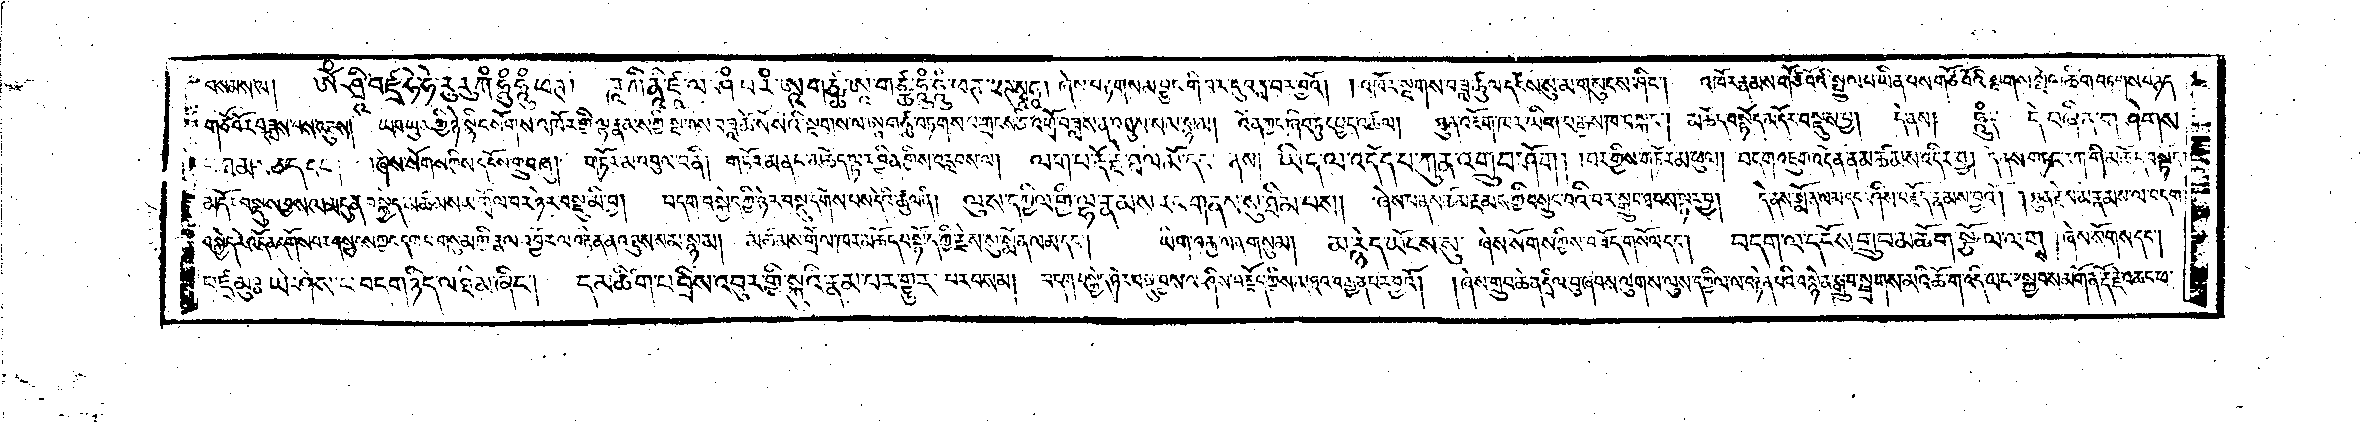བསམས་ལ། ཨོཾ་ཤྲཱི་བཛྲ་ཧེ་ཧེ་རུ་རུ་ཀཾ་ཧཱུཾ་ཧཱུཾ་ཕཊ། ཌཱ་ཀི་ནཱི་ཛཱ་ལ་ཤཾ་པ་རཾ་ཨཱ་གཙྪ་ཨཱ་གཙྪ་ཧཱུཾ་ཧཱུཾ་ཕཊ་ཕཊ་སྭཱཧཱ། ཞེས་པ་རྟགས་མ་བྱུང་གི་བར་དུ་བཟླ་བར་བྱའོ། །འཁོར་སྔགས་བཟླ་ཚུལ་དངོས་སུ་མ་གསུངས་ཤིང་། འཁོར་རྣམས་གཙོ་བོའི་སྤྲུལ་པ་ཡིན་པས་གཙོ་བོའི་སྔགས་སྤེལ་ཚིགས་བཏགས་པ་བསྙད་
གཙོ་བོར་བཟླས་བས་འཐུས། ཡབ་ཡུམ་གྱི་ཉེ་སྙིང་སོགས་འཁོར་གྱི་ལྷ་རྣམས་ཀྱི་སྔགས་བཟླ་ཆོས་སོ་སོའི་སྔགས་ལ་ཨཱ་གཙྪ་བཏགས་པ་གྲངས་ཅ་འགྲོལ་བཟླས་ན་འཐུས་སམ་སྙམ། འོན་ཀྱང་ཞིབ་ཏུ་དཔྱད་འཚལ། ཐུན་འྲྡོག་ཁར་ཡིག་བརྒྱས་ཁ་བསྐང་། མཆོད་བསྟོད་མདོར་བསྡུས་བྱ། དེ་ནས། ཧཱུཾ༑ དེ་བཞིན་གཤེགས་
པ་ཐམས་ཅད་དང་། །ཞེས་སོགས་ཀྱིས་དངོས་གྲུབ་ཞུ། གཏོར་མ་འབུལ་བ་ནི། གཏོར་མ་ངང་མཆོད་ལྟར་བྱིན་གྱིས་བརླབས་ལ།  ལག་པ་རྡོ་རྗེ་ཐལ་མོ་དང་ནས། ཡིད་ལ་འདོད་པ་ཀུན་འགྲུབ་ཤོག། །བར་གྱིས་གཏོར་མ་ཕུལ། བདག་འཇུག་འདོན་ནམ་ཚམས་འདིར་བྱ། དེ་ནས་གཏང་ངག་གི་མཆོད་བསྟོད་
མདོར་བསྡུས་བྱས་ལ་མདུན་བསྐྱེད་མཚམས་མ་གྲོལ་བར་ཉེར་བསྡུ་མི་བྱ། བདག་བསྐྱེད་ཀྱི་ཉེར་བསྡུ་དགོས་པས་དེའི་ཚུལ་ནི། ལུས་དཀྱིལ་གྱི་ལྷ་རྣམས་རང་གནས་སུ་ཐིམ་པས། །ཞེས་པ་ནས་ཚམ་རྡམས་ཀྱི་བསྲུང་བའི་བར་སྒྲུབ་ཐབས་ལྟར་བྱ། དེ་ནས་སྨོན་ལམ་དང་ཤིས་བརྗོད་རྣམས་བྱའོ། །ཐུན་རྗེས་མ་རྣམས་ལ་བདག་
བསྐྱེད་རེ་འདོན་དགོས་པར་གསུངས་ཀྱང་དག་པ་གསུམ་གྱི་རྣལ་འབྱོར་ལ་བརྟེན་ན་འཐུས་སམ་སྙམ། མཚམས་གྲོལ་ཁར་མཆོད་བསྟོད་ཀྱི་རྗེས་སུ་སྨོན་ལམ་དང་། ཡིག་བརྒྱ་ལན་གསུམ། མ་རྙེད་ཡོངས་སུ། ཞེས་སོགས་ཀྱིས་བཟོད་གསོལ་དང་།  བདག་ལ་དངོས་གྲུབ་མཆོག་སྩོལ་ལགས་།ཞེས་སོགས་དང་།
བཛྲ་མུ༑ ཡེ་ཤེས་པ་བདག་ཉིད་ལ་ཐིམ་ཞིང་། དམ་ཚིགས་པ་བྲིས་འབུར་གྱི་སྐུའི་རྣམ་པར་གྱུར་པར་བསམ། བདག་བསྐྱེད་ཉེར་བསྡུ་བྱས་ལ་ཤིས་བརྗོད་ཀྱིས་མཐའ་བརྒྱན་པར་བྱའོ། །ཞེས་གྲུབ་ཆེན་དྲིལ་བུ་ཞབས་ལུགས་ལུས་དཀྱིལ་ལ་བརྟེན་པའི་བསྙེན་སྒྲུབ་སྦྲགས་མའི་ཆོ་ག་འདི་ཡང ༧སྐྱབས་མགོན་རྡོ་རྗེ་འཆང་ཕ་